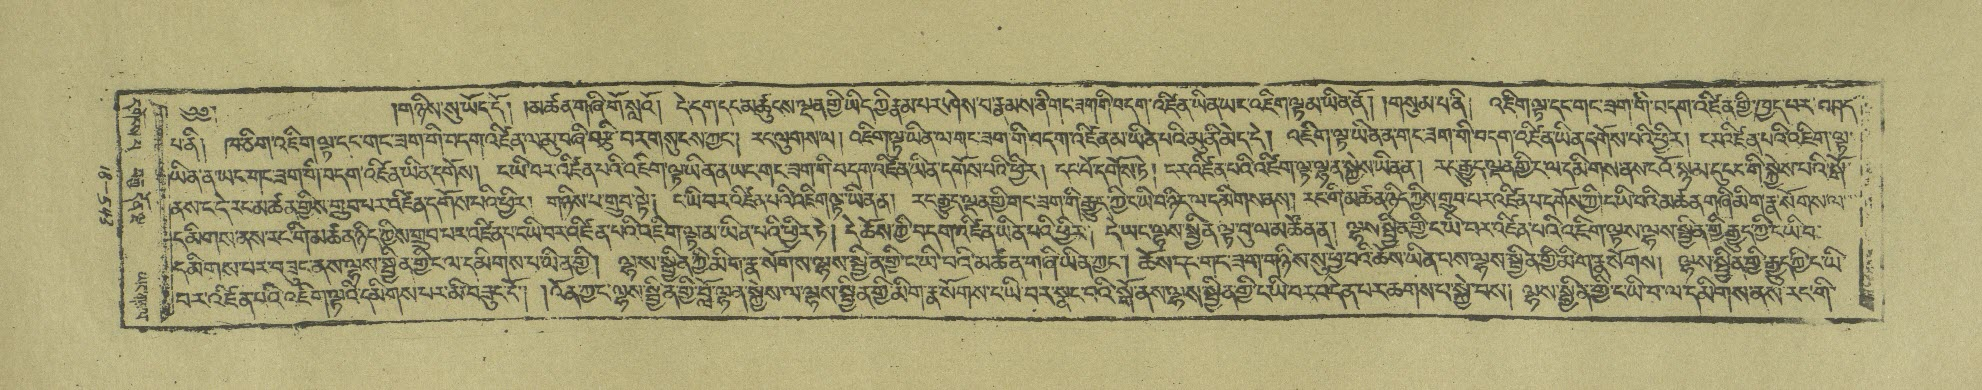༄༅། །གཉིས་སུ་ཡོད་དོ། །མཚན་གཞི་གོ་སླའོ། དེ་དག་དང་མཚུངས་ལྡན་གྱི་ཡིད་ཀྱི་རྣམ་པར་ཤེས་པ་རྣམས་ནི་གང་ཟག་གི་བདག་འཛིན་ཡིན་ཡང་འཇིག་ལྟ་མ་ཡིན་ནོ། །གསུམ་པ་ནི། འཇིག་ལྟ་དང་གང་ཟག་གི་བདག་འཛིན་གྱི་ཁྱད་པར་བཤད་
པ་ནི། ཁ་ཅིག་འཇིག་ལྟ་དང་གང་ཟག་གི་བདག་འཛིན་ལ་མུ་བཞི་བརྩི་བར་གསུངས་ཀྱང་། རང་ལུགས་ལ། འཇིག་ལྟ་ཡིན་ལ་གང་ཟག་གི་བདག་འཛིན་མ་ཡིན་པའི་མུ་ནི་མེད་དེ། འཇིག་ལྟ་ཡིན་ན་གང་ཟག་གི་བདག་འཛིན་ཡིན་དགོས་པའི་ཕྱིར། ངར་འཛིན་པའི་འཇིག་ལྟ་
ཡིན་ན་ཡང་གང་ཟག་གི་བདག་འཛིན་ཡིན་དགོས། ང་ཡི་བར་འཛིན་པའི་འཇིག་ལྟ་ཡིན་ན་ཡང་གང་ཟག་གི་བདག་འཛིན་ཡིན་དགོས་པའི་ཕྱིར། དང་པོ་དགོས་ཏེ། ངར་འཛིན་པའི་འཇིག་ལྟ་ལྷན་སྐྱེས་ཡིན་ན། རང་རྒྱུད་ལྡན་གྱི་ང་ལ་དམིགས་ནས་ངའོ་སྙམ་དུ་ངང་གི་སྐྱེས་པའི་སྒོ་
ནས་ང་དེ་རང་མཚན་གྱིས་གྲུབ་པར་འཛིན་དགོས་པའི་ཕྱིར། གཉིས་པ་གྲུབ་སྟེ། ང་ཡི་བར་འཛིན་པའི་འཇིག་ལྟ་ཡིན་ན། རང་རྒྱུད་ལྡན་གྱི། གང་ཟག་གི་རྒྱུད་ཀྱི་ང་ཡི་བ་ཉིད་ལ་དམིགས་ནས། རང་གི་མཚན་ཉིད་ཀྱིས་གྲུབ་པར་འཛིན་པ་དགོས་ཀྱི། ང་ཡི་བའི་མཚན་གཞི་མིག་རྣ་སོགས་ལ་
དམིགས་ནས་རང་གི་མཚན་ཉིད་ཀྱིས་གྲུབ་པར་འཛིན་པ་ང་ཡི་བར་འཛིན་པའི་འཇིག་ལྟ་མ་ཡིན་པའི་ཕྱིར་ཏེ། དེ་ཚོས་ཀྱི་བདག་འཛིན་ཡིན་པའི་ཕྱིར། དེ་ཡང་ལྷས་སྦྱིན་ལྟ་བུ་ལ་མཚོན་ན། ལྷས་སྦྱིན་གྱི་ང་ཡི་བར་འཛིན་པའི་འཇིག་ལྟས་ལྷས་སྦྱིན་གྱི་རྒྱུད་ཀྱི་ང་ཡི་བ་
དམིགས་པར་བཟུང་ནས་ལྷས་སྦྱིན་གྱི་ང་ལ་དམིགས་པ་ཡིན་གྱི། ལྷས་སྦྱིན་གྱི་མིག་རྣ་སོགས་ལྷས་སྦྱིན་གྱི་ང་ཡི་བའི་མཚན་གཞི་ཡིན་ཀྱང་། ཆོས་དང་གང་ཟག་གཉིས་སུ་ཕྱེ་བའི་ཆོས་ཡིན་པས་ལྷས་སྦྱིན་གྱི་མིག་རྣ་སོགས། ལྷས་སྦྱིན་གྱི་རྒྱུད་ཀྱི་ང་ཡི་
བར་འཛིན་པའི་འཇིག་ལྟའི་དམིགས་པར་མི་བཟུང་ངོ། །འོ་ན་ཀྱང་ལྷས་སྦྱིན་གྱི་བློ་ལྷན་སྐྱེས་ལ་ལྷས་སྦྱིན་གྱི་མིག་རྣ་སོགས་ང་ཡི་བར་སྣང་བའི་སྒོ་ནས་ལྷས་སྦྱིན་གྱི་ང་ཡི་བར་བདེན་པར་ཆགས་པ་སྐྱེ་བས། ལྷས་སྦྱིན་གྱི་ང་ཡི་བ་ལ་དམིགས་ནས་རང་གི་